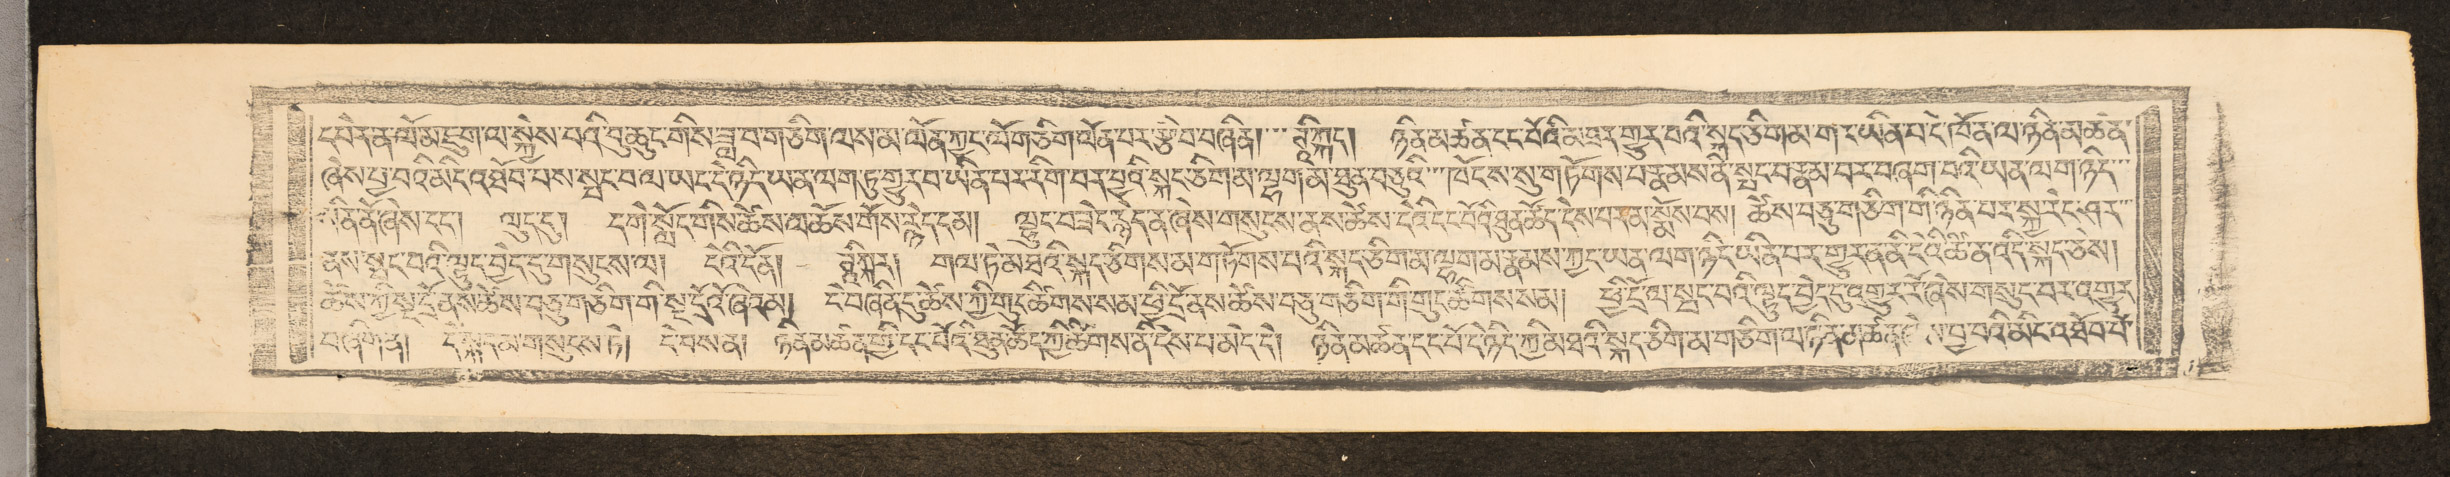དཔེར་ན་ལོ་མཇུག་ལ་སྐྱེས་པའི་བུ་ཆུང་གིས་ཟླ་བ་གཅིག་ལས་མ་ལོན་ཀྱང་ལོ་གཅིག་ལོན་པར་རྩི་བ་བཞིན། ཊཱིཀྐར། ཉིན་མཚན་དང་པོའི་མཐར་གྱུར་བའི་སྐད་ཅིག་མ་གང་ཡིན་པ་དེ་ཁོ་ན་ལ་ཉིན་མཚན་
ཞེས་བྱ་བའི་མིང་འཐོབ་པས་སྤང་བ་ལ་ཡང་དེ་ཉིད་ཡན་ལག་ཏུ་གྱུར་པ་ཡིན་པར་རིག་པར་བྱའི་སྐད་ཅིག་མ་ལྷག་མ་ཐུན་བཅུའི་ཁོངས་སུ་གཏོགས་པ་རྣམས་ནི་སྤང་བ་རྣམ་པར་བཞག་པའི་ཡན་ལག་ཉིད་
མིན་ནོ་ཞེས་དང་། ལུང་དུ། དགེ་སློང་གིས་ཚེས་ལ་ཆོས་གོས་རྙེད་དམ། ལྷུང་བཟེད་རྙེད་ན་ཞེས་གསུངས་ནས་ཚེས་དེའི་དང་བོའི་ཐུན་ཚོད་ངེས་པར་མ་སྨོས་པས། ཚེས་བཅུ་གཅིག་གི་ཉིན་པར་སྐྱ་རེང་ཤར་
ན་སྤང་བའི་ལྟུང་བྱེད་དུ་གསུངས་ལ། དེའི་དོན། ཊཱིཀྐར། གལ་ཏེ་མཐའི་སྐད་ཅིག་མམ་གཏོགས་པའི་སྐད་ཅིག་མ་ལྷག་མ་རྣམས་ཀྱང་ཡན་ལག་ཉིད་ཡིན་པར་གྱུར་ན་ནི་དེའི་ཚེ་ན་འདི་སྐད་ཅེས།
ཚེས་ཀྱི་སྔ་དྲོ་ནས་ཚེས་བཅུ་གཅིག་གི་སྔ་དྲོའོ་ཞེའམ། དེ་བཞིན་དུ་ཚེས་ཀྱི་གུང་ཚིགས་སམ་ཕྱི་དྲོ་ནས་ཚེས་བཅུ་གཅིག་གི་གུང་ཚིགས་སམ། ཕྱི་དྲོ་ལ་སྤང་བའི་ལྟུང་བྱེད་དུ་འགྱུར་རོ་ཞེས་གསུང་བར་འགྱུར་
བ་ཞིག་ན། དེ་སྐད་མ་གསུངས་ཏེ། དེ་བས་ན། ཉིན་མཚན་གྱི་དང་པོའི་ཐུན་ཚོད་ཀྱི་ཚིགས་ནི་ངེས་པ་མེད་དེ། ཉིན་མཚན་དང་པོ་དེ་ཉིད་ཀྱི་མཐའི་སྐད་ཅིག་མ་གཅིག་ལ་ཉིན་མཚན་ཞེས་བྱ་བའི་མིང་འཐོབ་པོ་